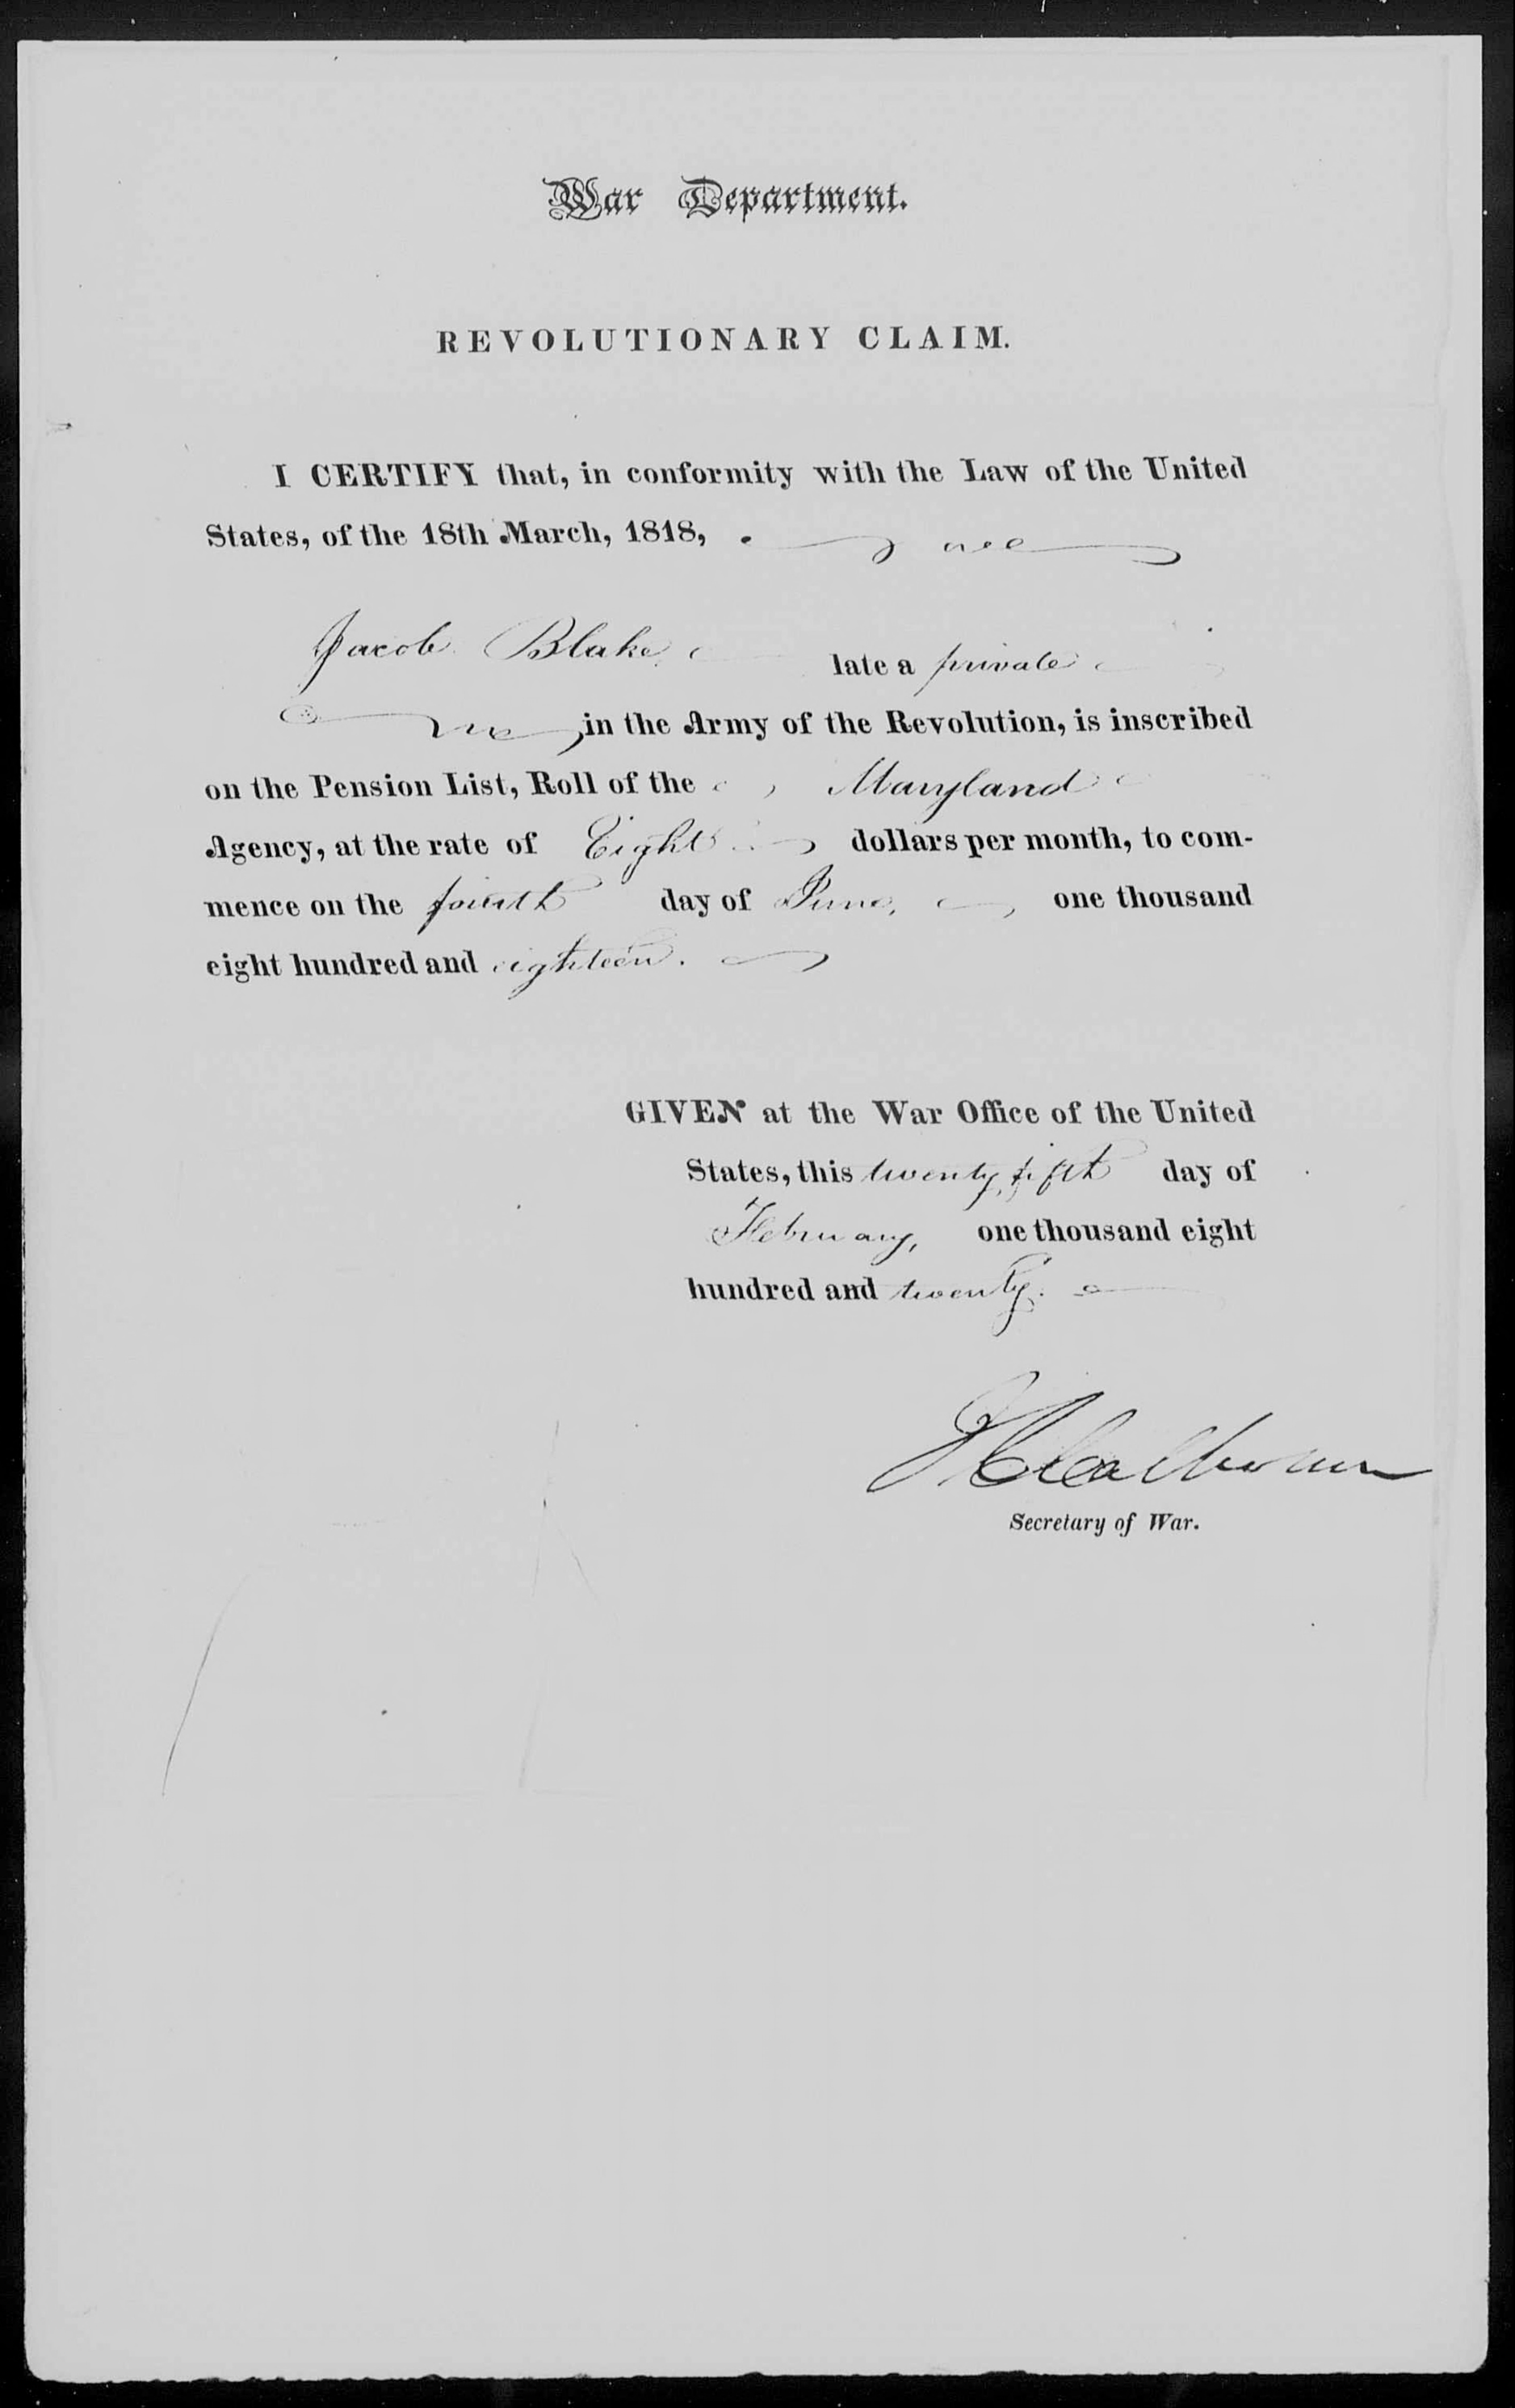War Department.

REVOLUTIONARY CLAIM.

I CERTIFY that, in conformity with the Law of the United States, of the 18th March, 1818, Jacob Blake late a private in the Army of the Revolution, is inscribed on the Pension List, Roll of the Maryland Agency, at the rate of Eight dollars per month, to commence on the fourth day of June, one thousand eight hundred and eighteen.

GIVEN at the War Office of the United States, this twenty fifth day of February, one thousand eight hundred and twenty. 

J.C. Calhoun
Secretary of War.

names: J C Calhoun, Jacob Blake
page: 18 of 18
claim: survivor's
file: S. 34654, Jacob Blake, Md.